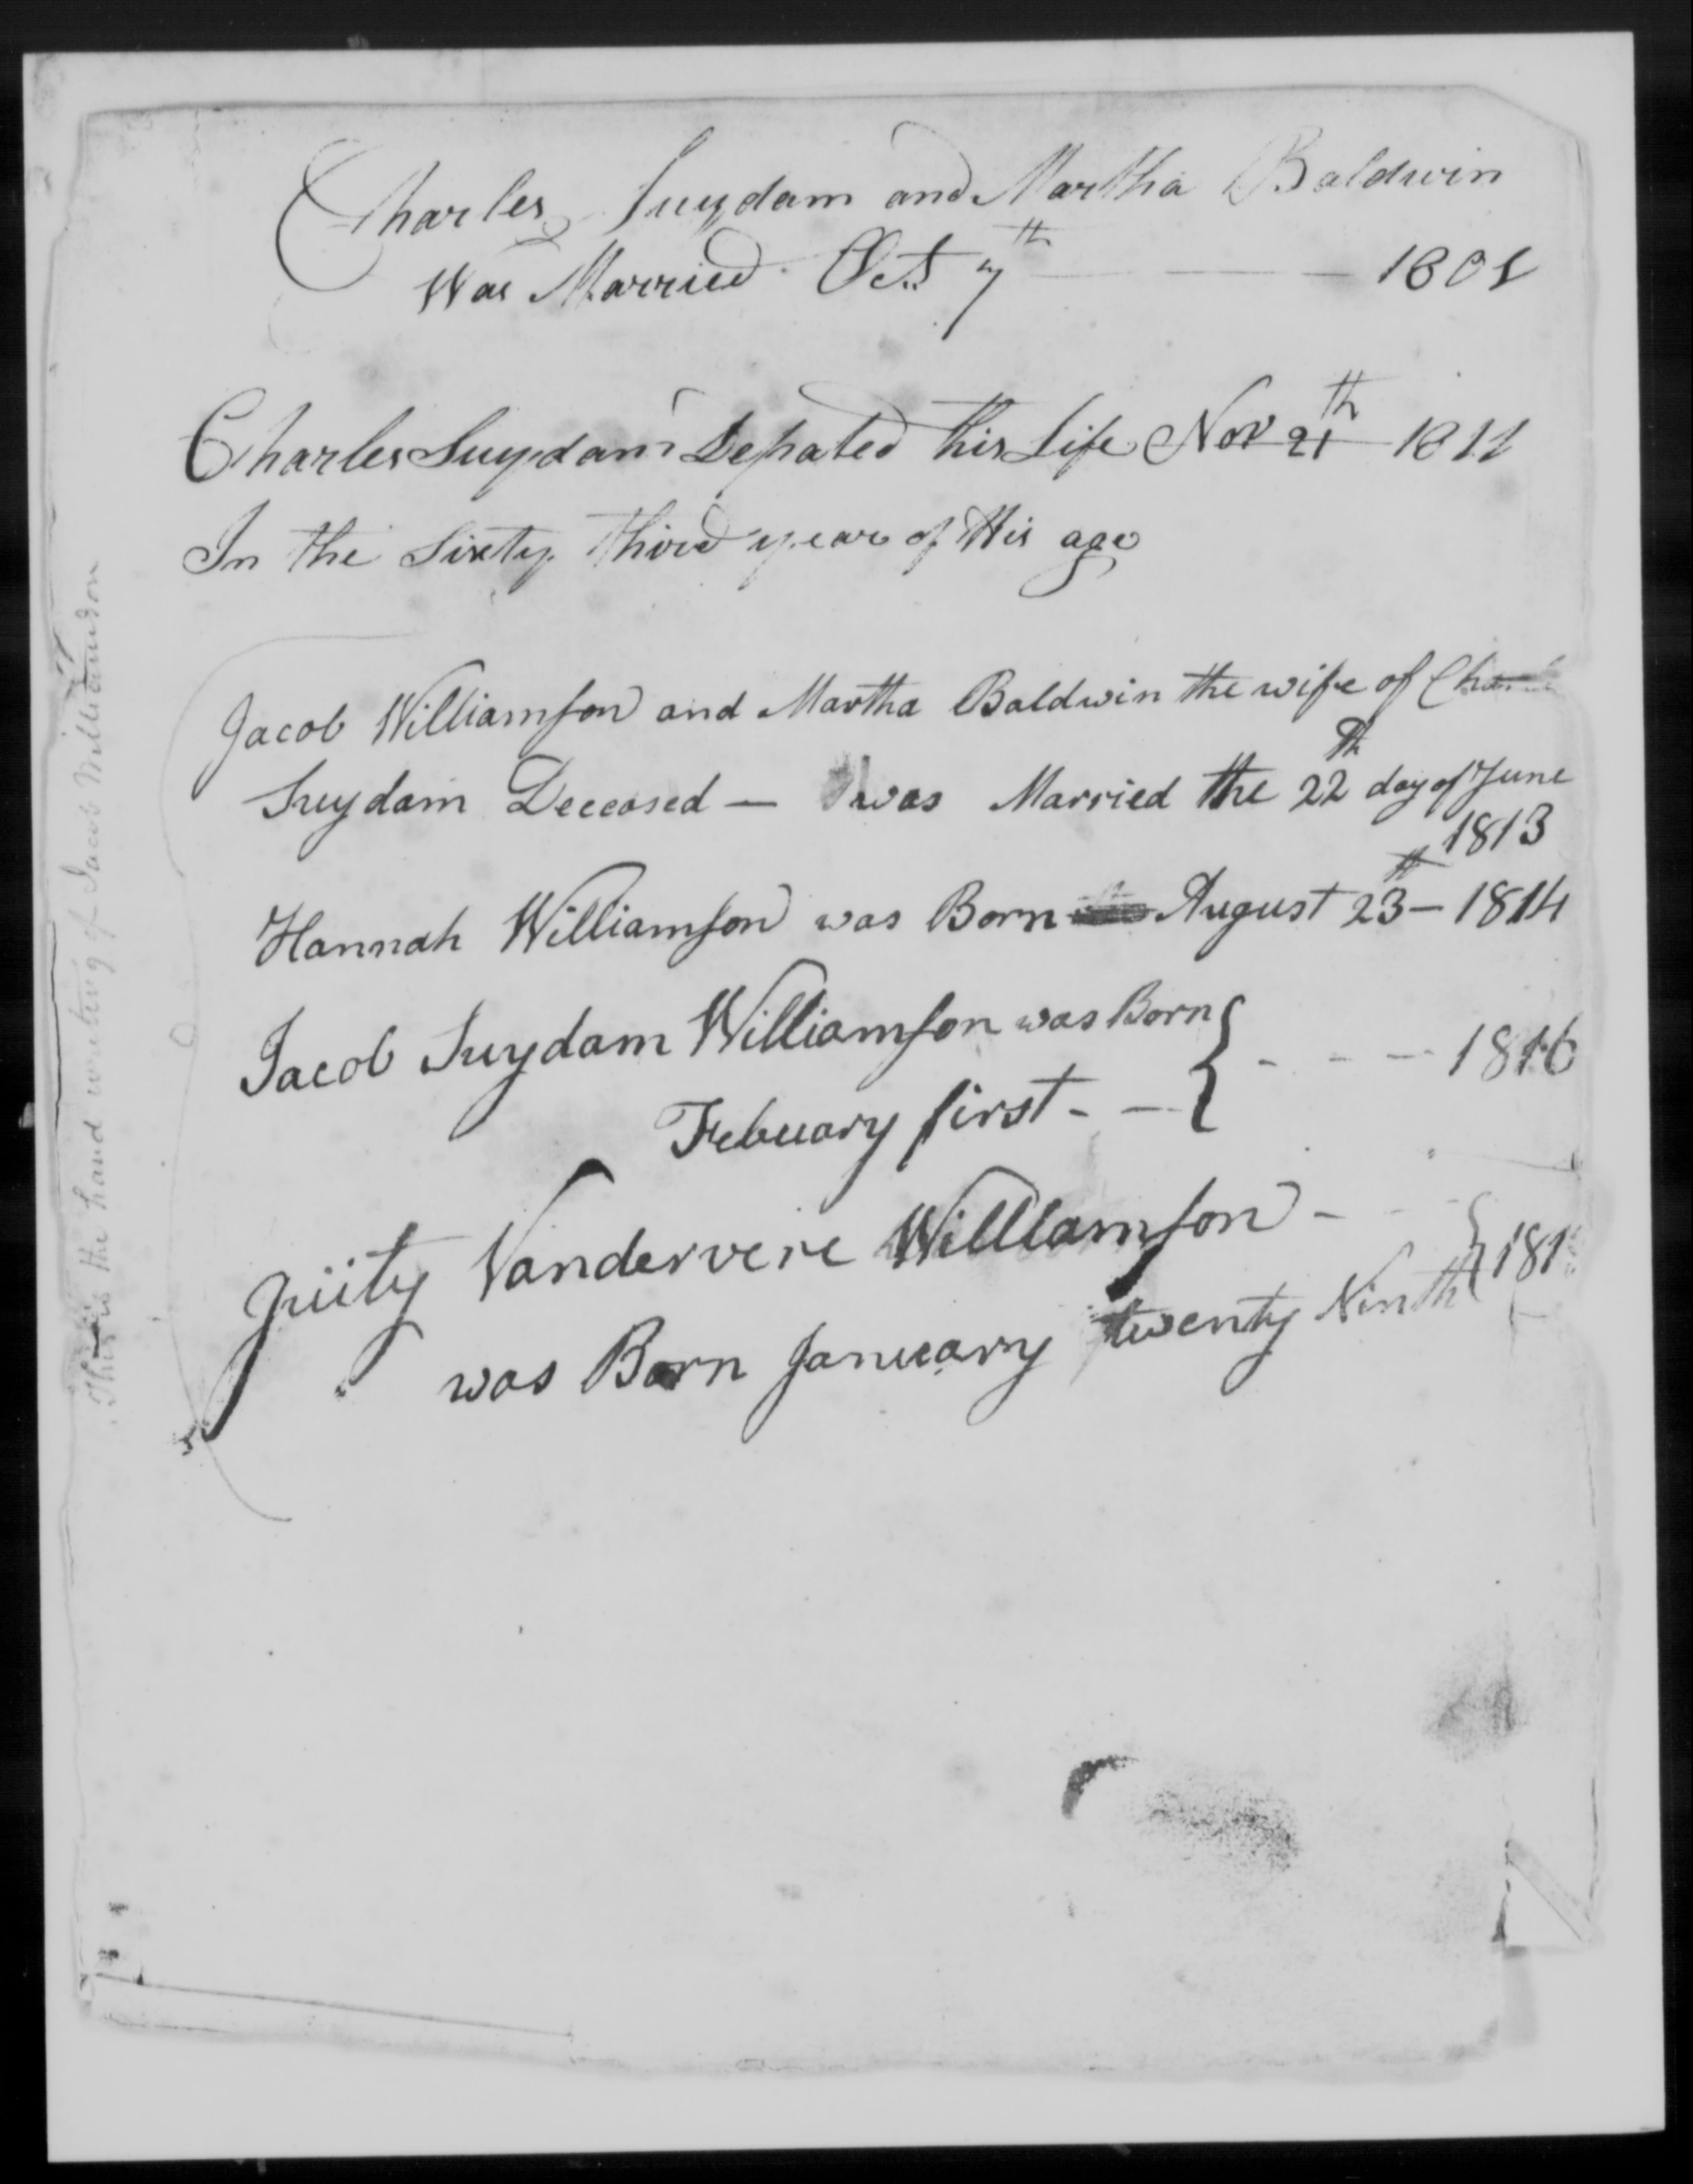Charles Suydam and Martha Baldwin was married Oct. 7th 1801.
Charles Suydam departed his life Nov. 21th 1812 in the Sixty third year of his age.
Jacob Williamson and Martha Baldwin, the wife of Charles Suydam, deceased, was married the 22th day of June 183.
Hannah Williamson was born [crossed out: the] August 23th 1814.
Jacob Suydam Williamson was born February first 1816.
Guity Vandervere Williamson was born January Twenty ninth 1818.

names: Martha Baldwin, Jacob Suydam Williamson, Hannah Williamson, Charles Suydam, Guity Vandervere Willamson, Jacob Williamson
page: 10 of 67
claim: widow's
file: W. 2393, Jacob Williamson, New Jersey